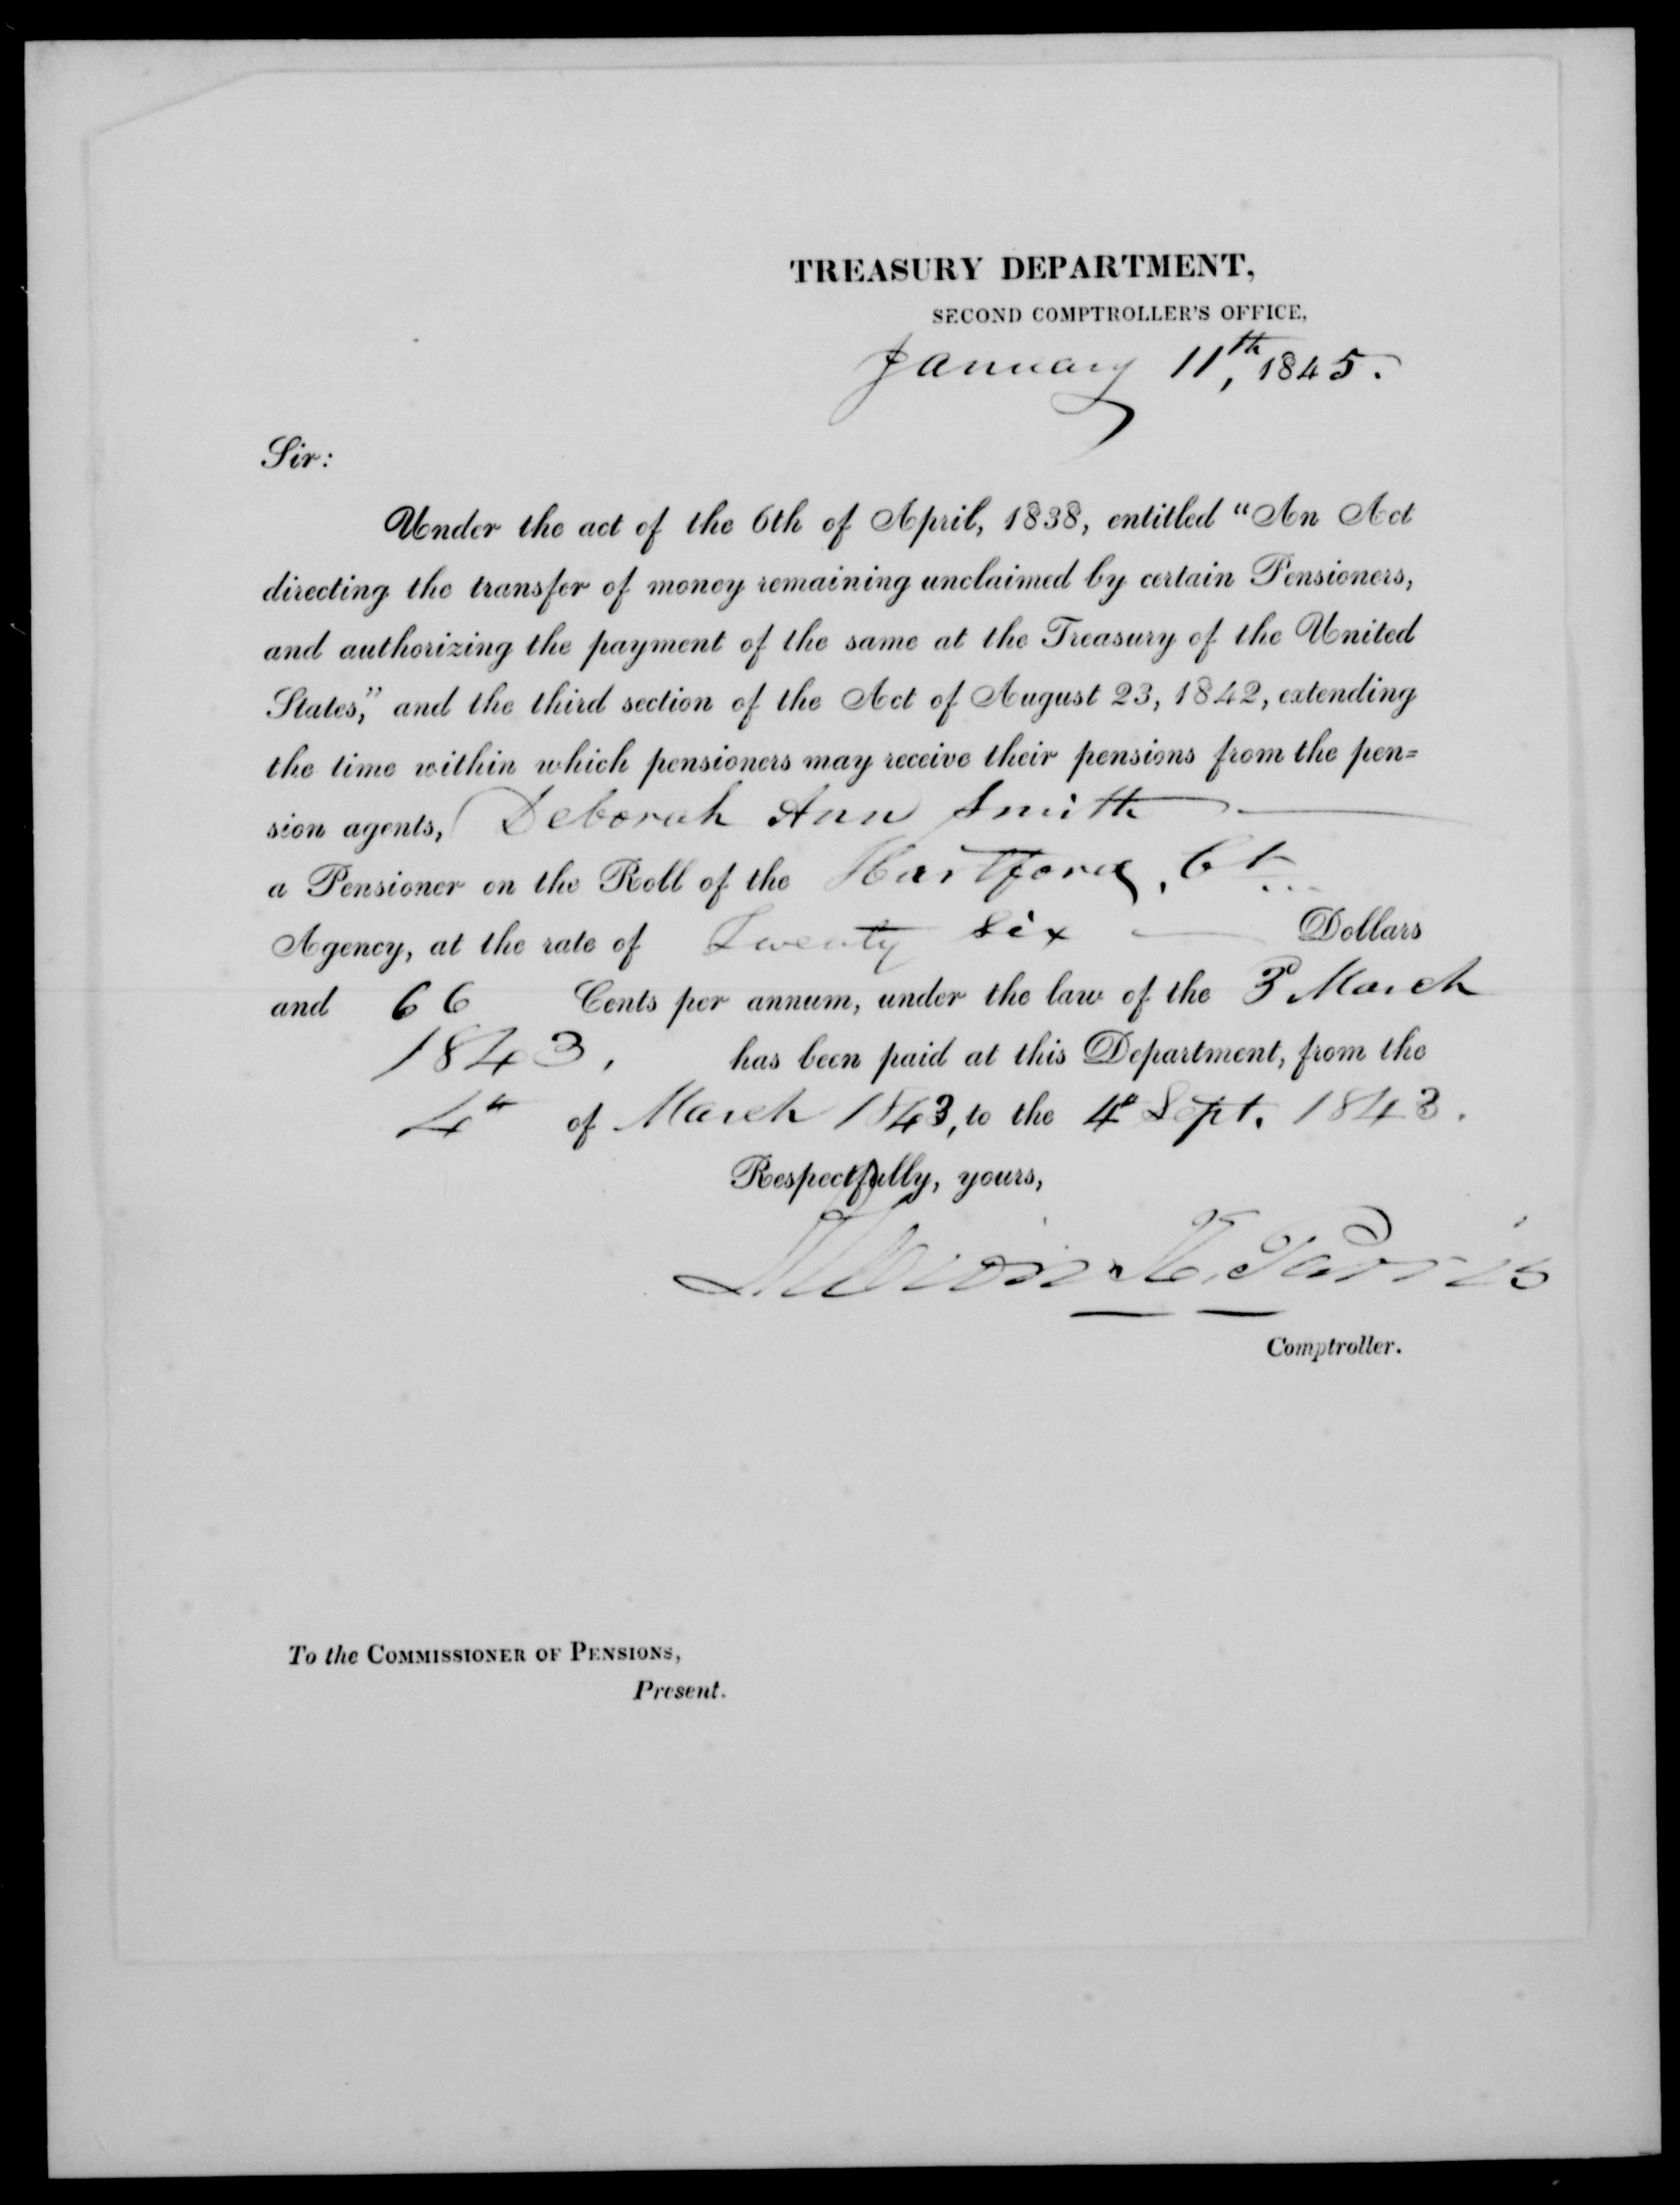TREASURY DEPARTMENT, 
SECOND COMPTROLLER'S OFFICE, 
January 11th 1845. 
Sir:
Under the act of the 6th of April, 1838, entitled "An Act directing the transfer of money remaining unclaimed by certain Pensioners, and authorizing the payment of the same at the Treasury of the United States, and the third section of the Act of August 23, 1842, extending the time within which pensioners may receive their pensions from the pension agents, Deborah Ann Smith a Pensioner on the Roll of the Hartford Ct Agency, at the rate of Twenty Six Dollars and 66 Cents per annum, under the law of the 3d March 1843, has been paid at this Department, from the 4th of March 1843, to the 4 Sept. 1843. 
Respectfully, yours, 
Albion K. Parris 
Comptroller
To the COMMISSIONER OF PENSIONS, Present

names: Albion K Parris; Deborah Ann Smith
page: 29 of 55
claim: widow's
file: W. 11480, for Phinehas Smith, Connecticut